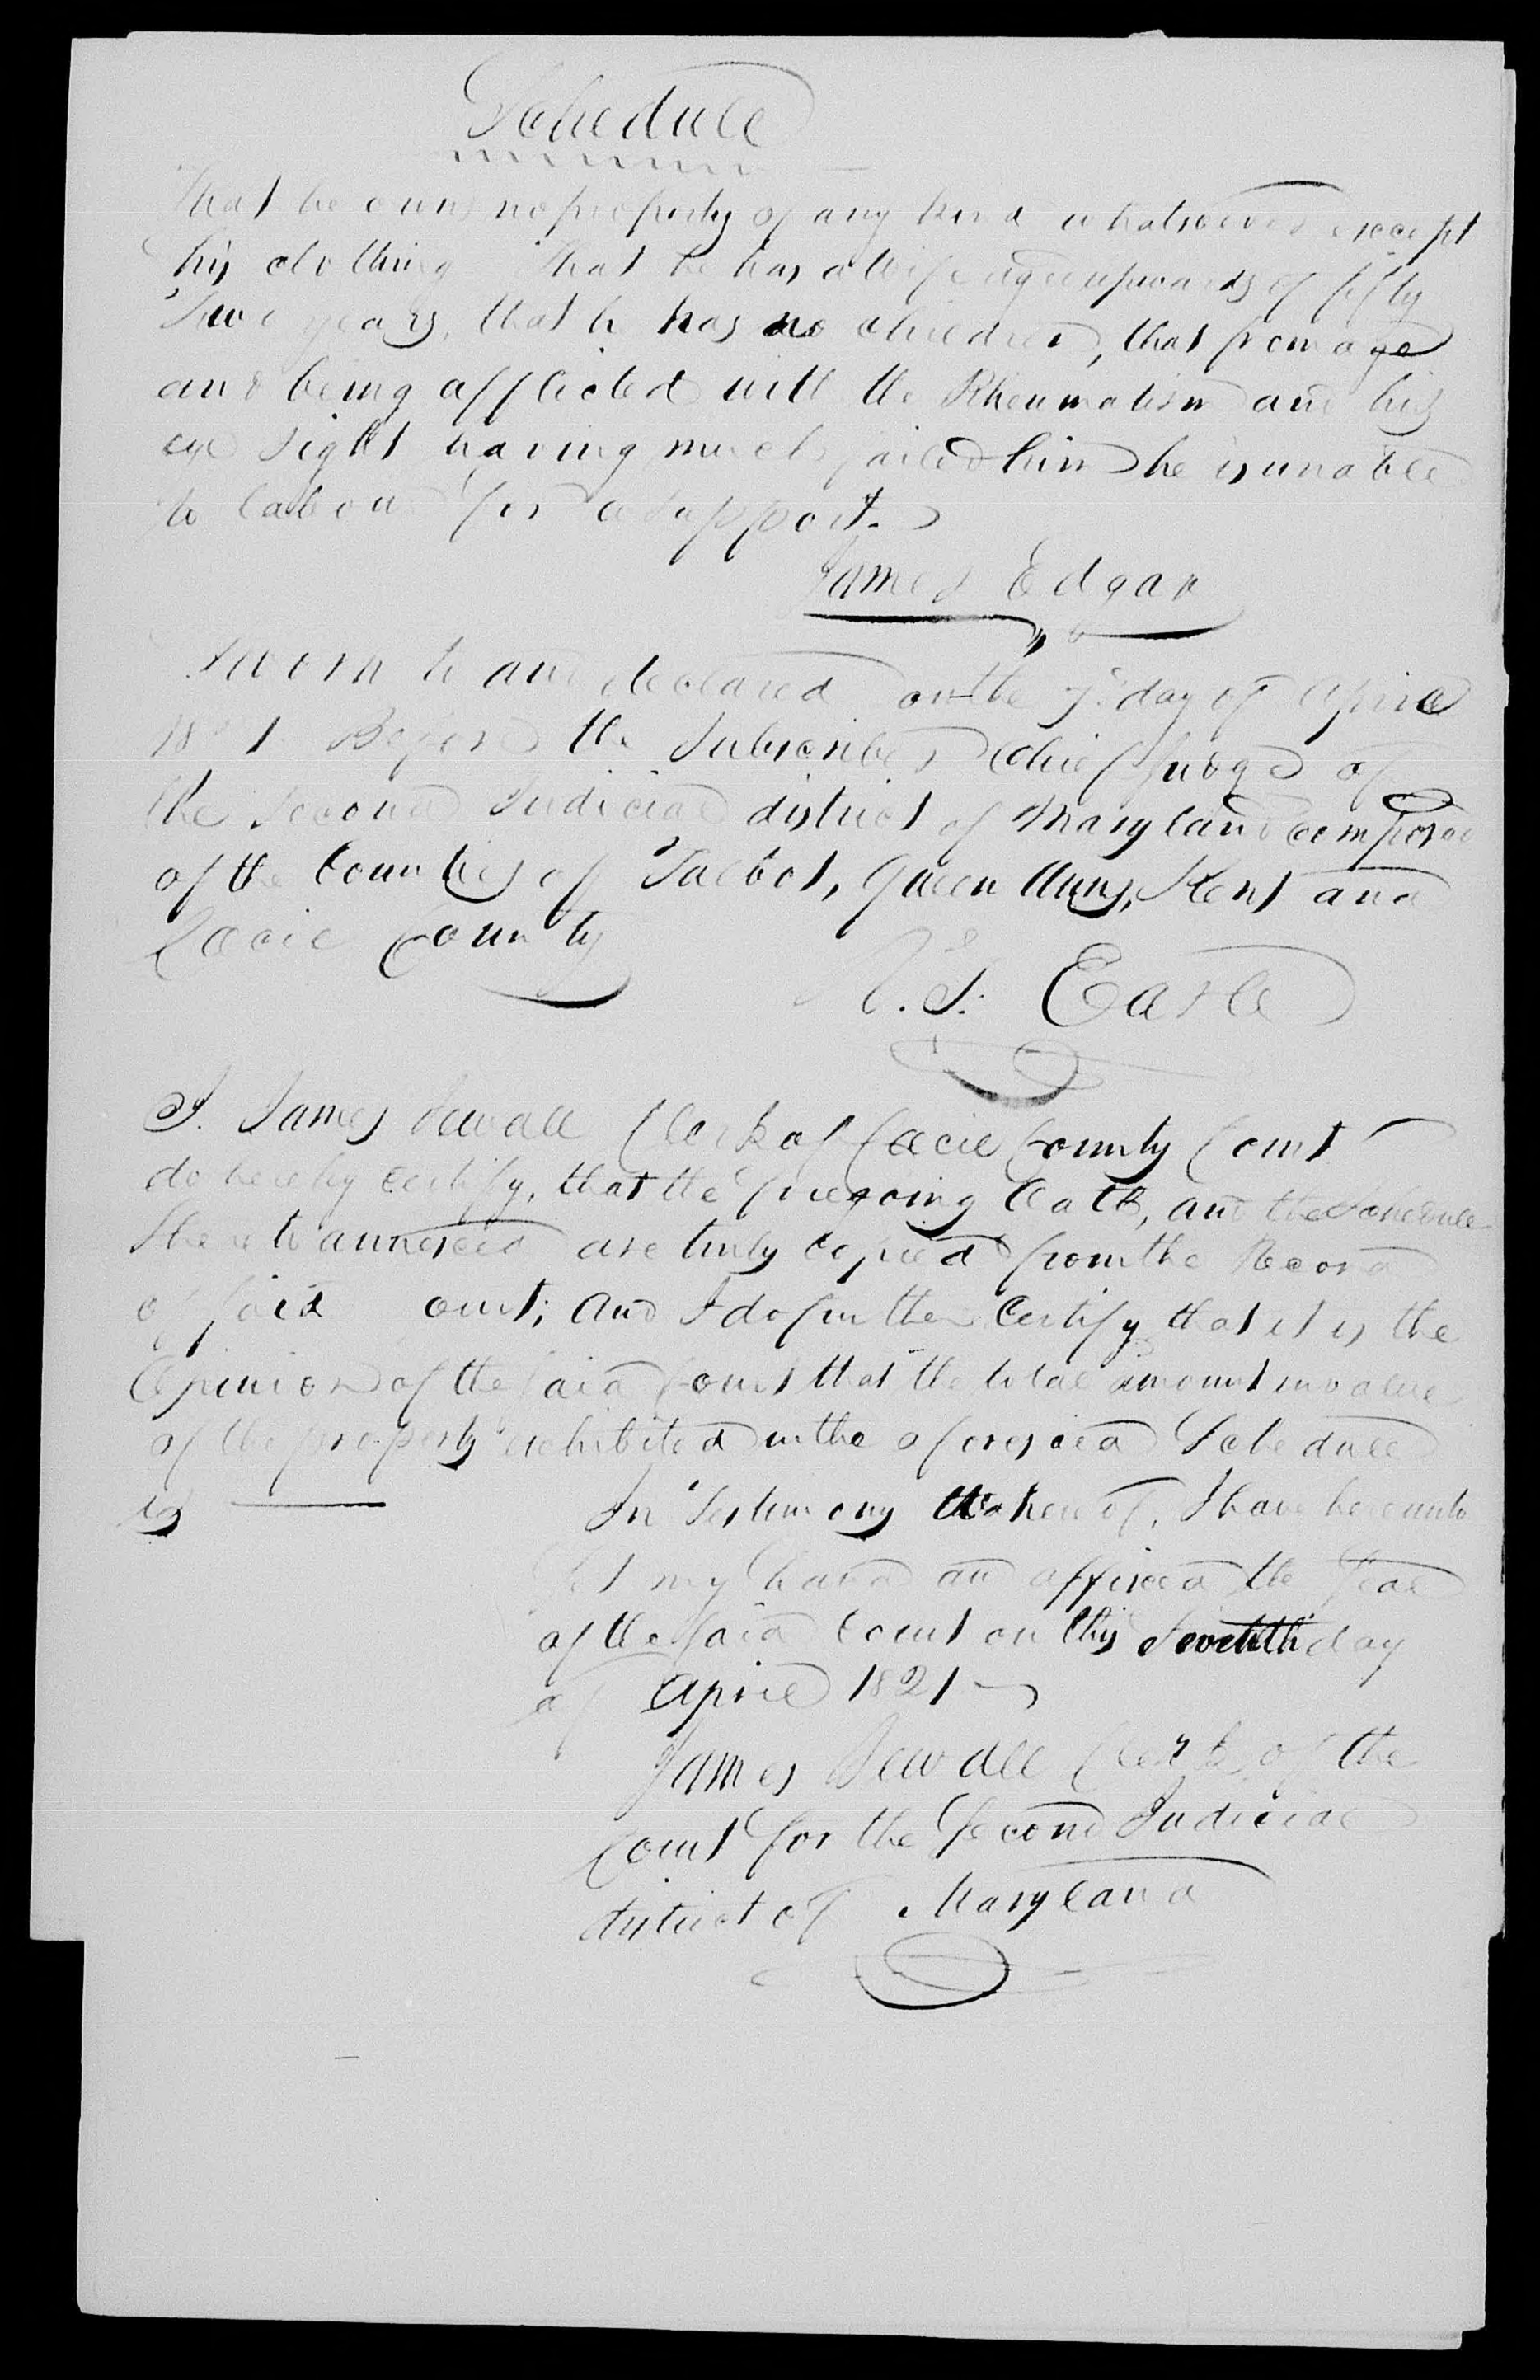Schedule
That be the property of any kind whatsoever except
his clothing that he has a wife aged upwards of fifty
Five years, that he has no children, that from age
and being afflicted will the Rheumatism and his
eye sight having much failed him he is unable
to labor for a Support
James Edgar
---
Sworn to and declared on the 7 day of April
1881 Before the Subscribed judge of 
the Second Judicial district of Maryland composed
of the County of Talbot, Queen Ann, Kent and
Cecil County
R. T. Earle

I James Sewall Clerk of Cecil County Court
do hereby certify, that the foregoing oath, and the Schedule
thereto annexed are truly copied from the Record
of said court; and I do further certify that it is the
Opinion of the said Court that the total amount in value
of the property exhibited in the aforesaid schedule is ______

In Testimony taken of I have hereunto
set my hand and affixed the seal
of the said Court on this Seventh day
April 1821
James Sewall Clerk of the
Court for the Second Judicial district
of Maryland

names: R T Earle, James Edgar, James Sewall, James Sewall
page: 71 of 74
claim: widow's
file: W. 9422, James Edgar, Penn.